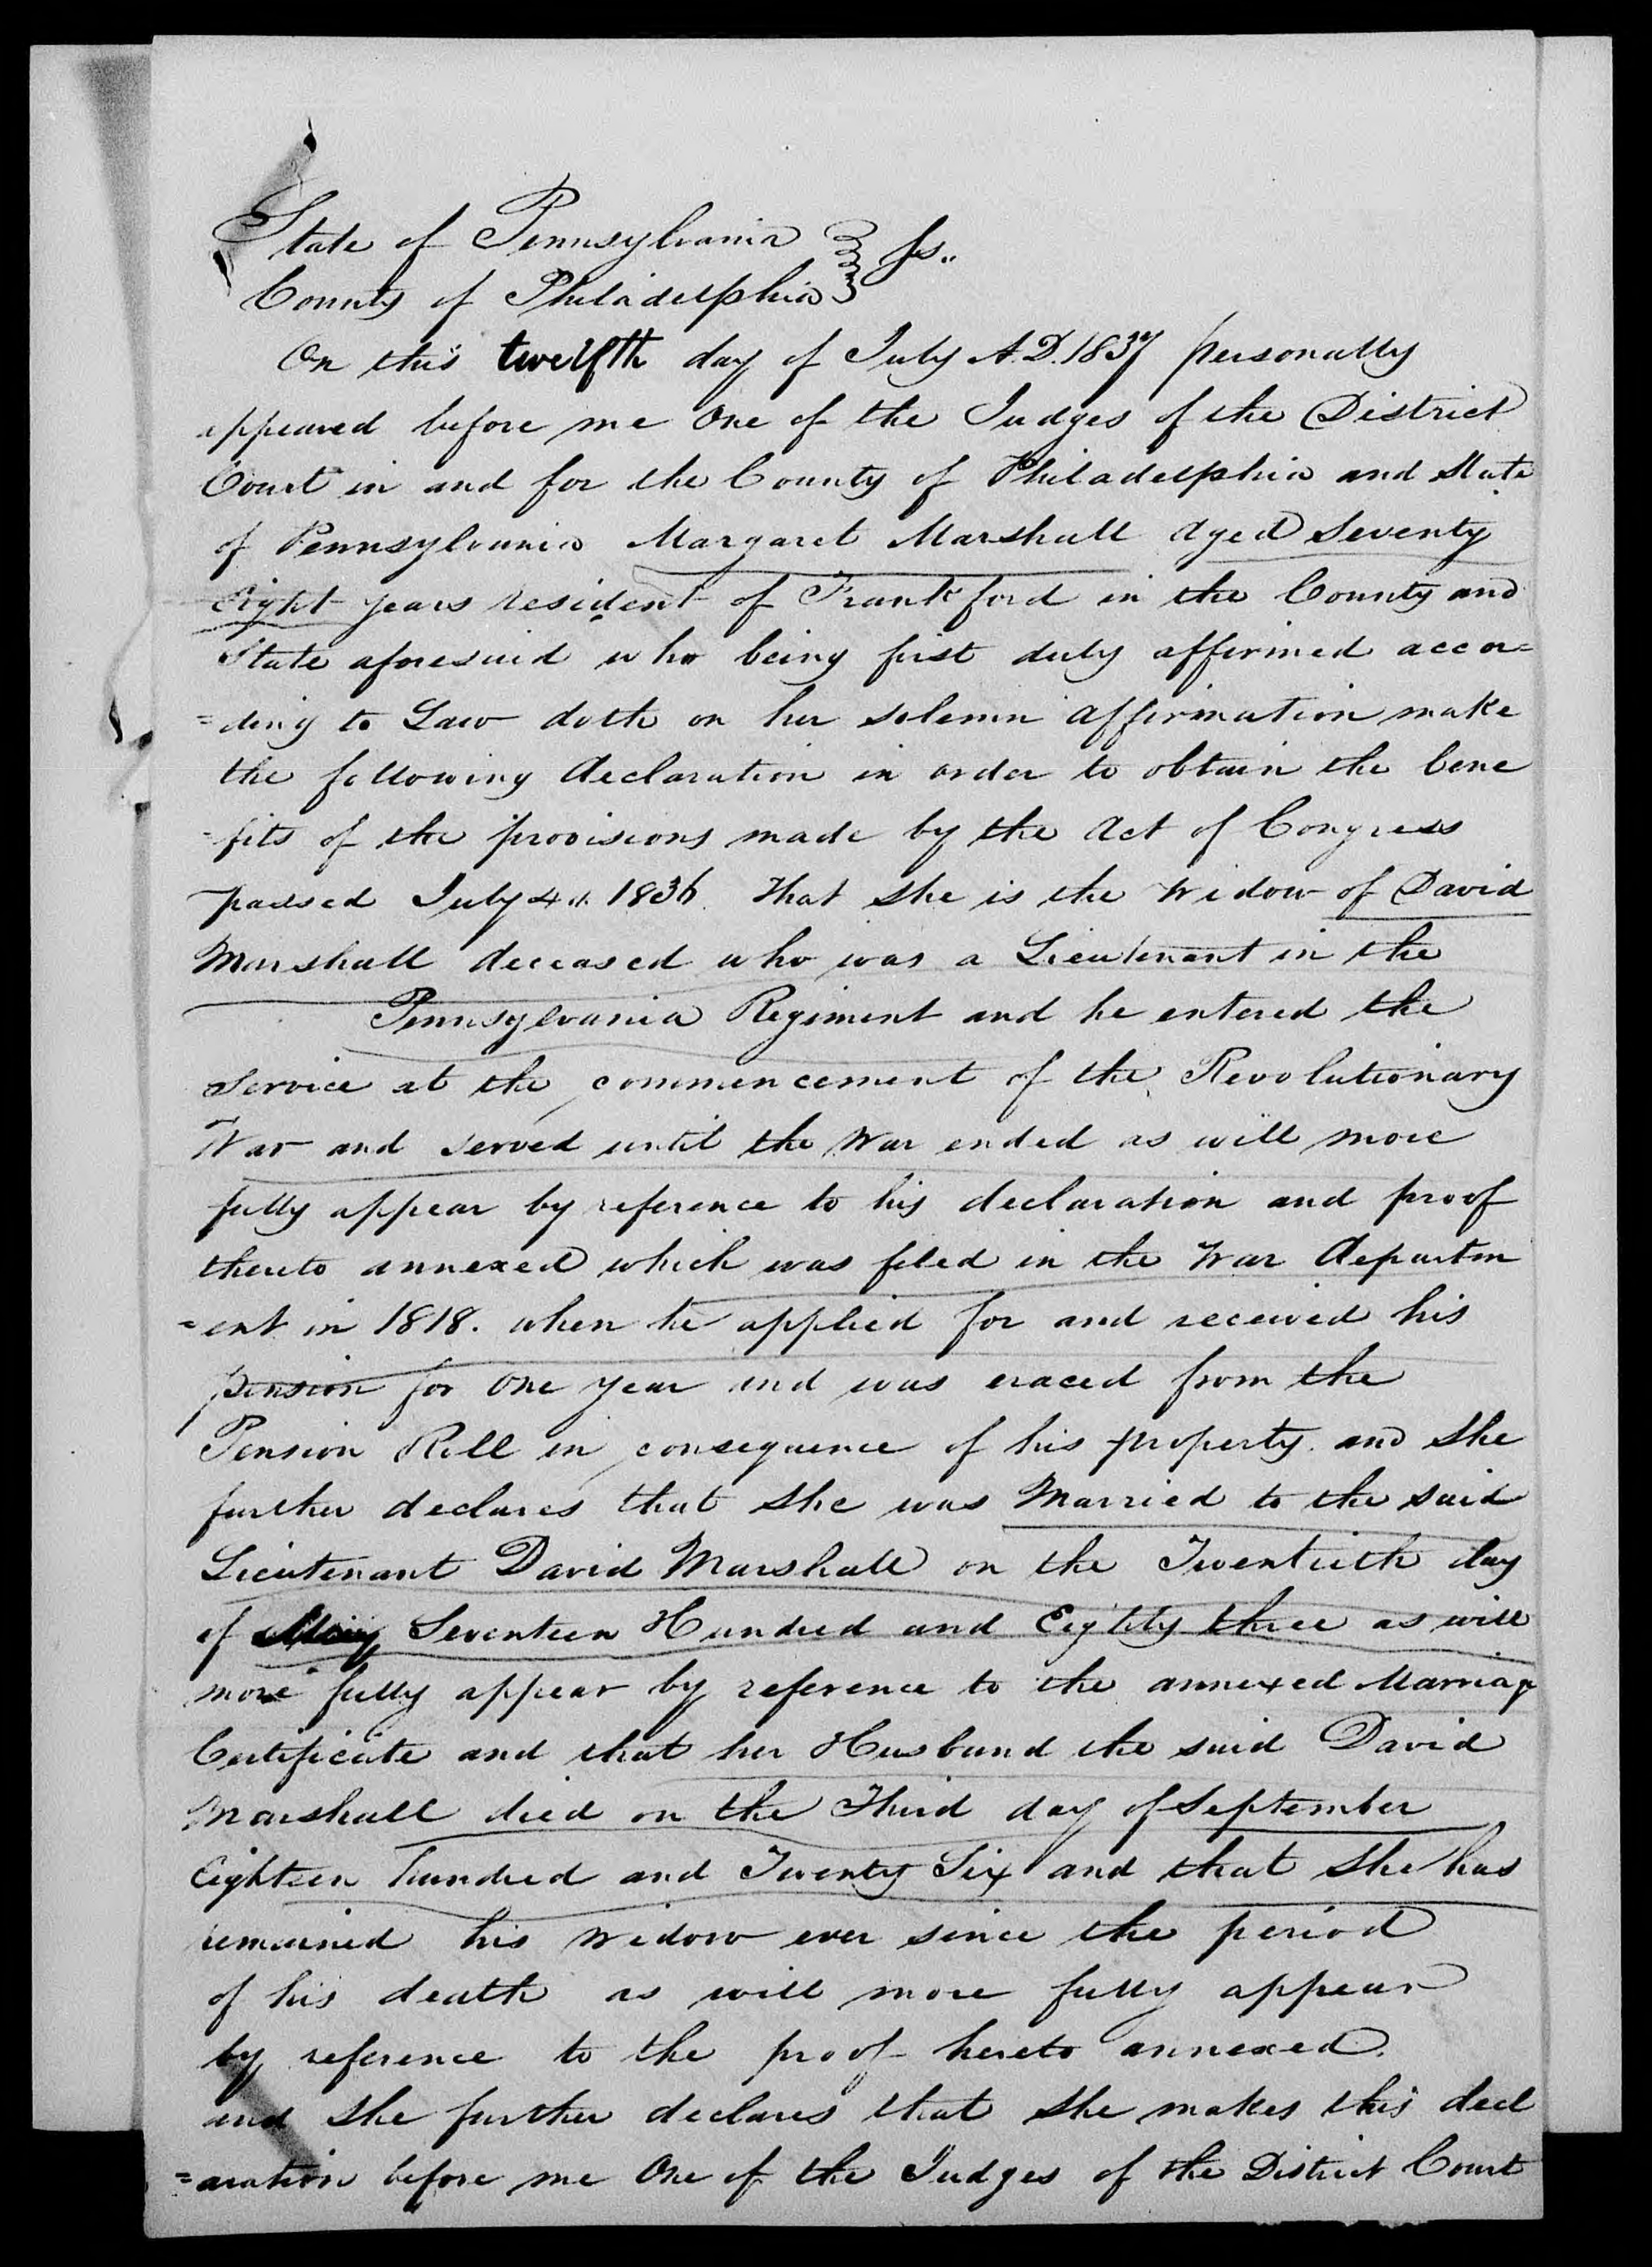State of Pennsylvania
County of Philadelphia
On this twelfth day of July A.D. 1837 personally appeared before me one of the Judges of the District Court in and for the County of Philadelphia and State of Pennsylvania Margaret Marshall aged seventy eight years [underlined] resident of Frankford in the County and State aforesaid who being first duly affirmed according to Law doth on her solemn affirmation make the following declaration in order to obtain the benefits of the provisions made by the Act of Congress passed July 4th 1836 that she is the widow of David Marshall deceased who was a Lieutenant in the Pennsylvania Regimens [underlined] and he entered the service at the commencement of the Revolutionary War and served until the war ended as will more fully appear by reference to his declaration and proof thereto annexed which was filed in the War Department in 1818. when he applied for and received his [underlined] pension for one year and was eraced from the Pension Roll in consequence of his property and she further declares that she was married to the said Lieutenant David Marshall on the Twentieth day of May Seventeen Hundred and Eighty three as will [underlined] more fully appear by reference to the annexed marriage Certificate and that her husband the said David Marshall died on the third day of September Eighteen hundred and Twenty Six and that she has remained his widow ever since the period of his death as will more fully appear by reference to the proof hereto annexed and she further declares that she makes this declaration before me one of the Judges of the District Court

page: 13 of 86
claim: widow's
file: W. 3571, for David Marshall, Pennsylvania